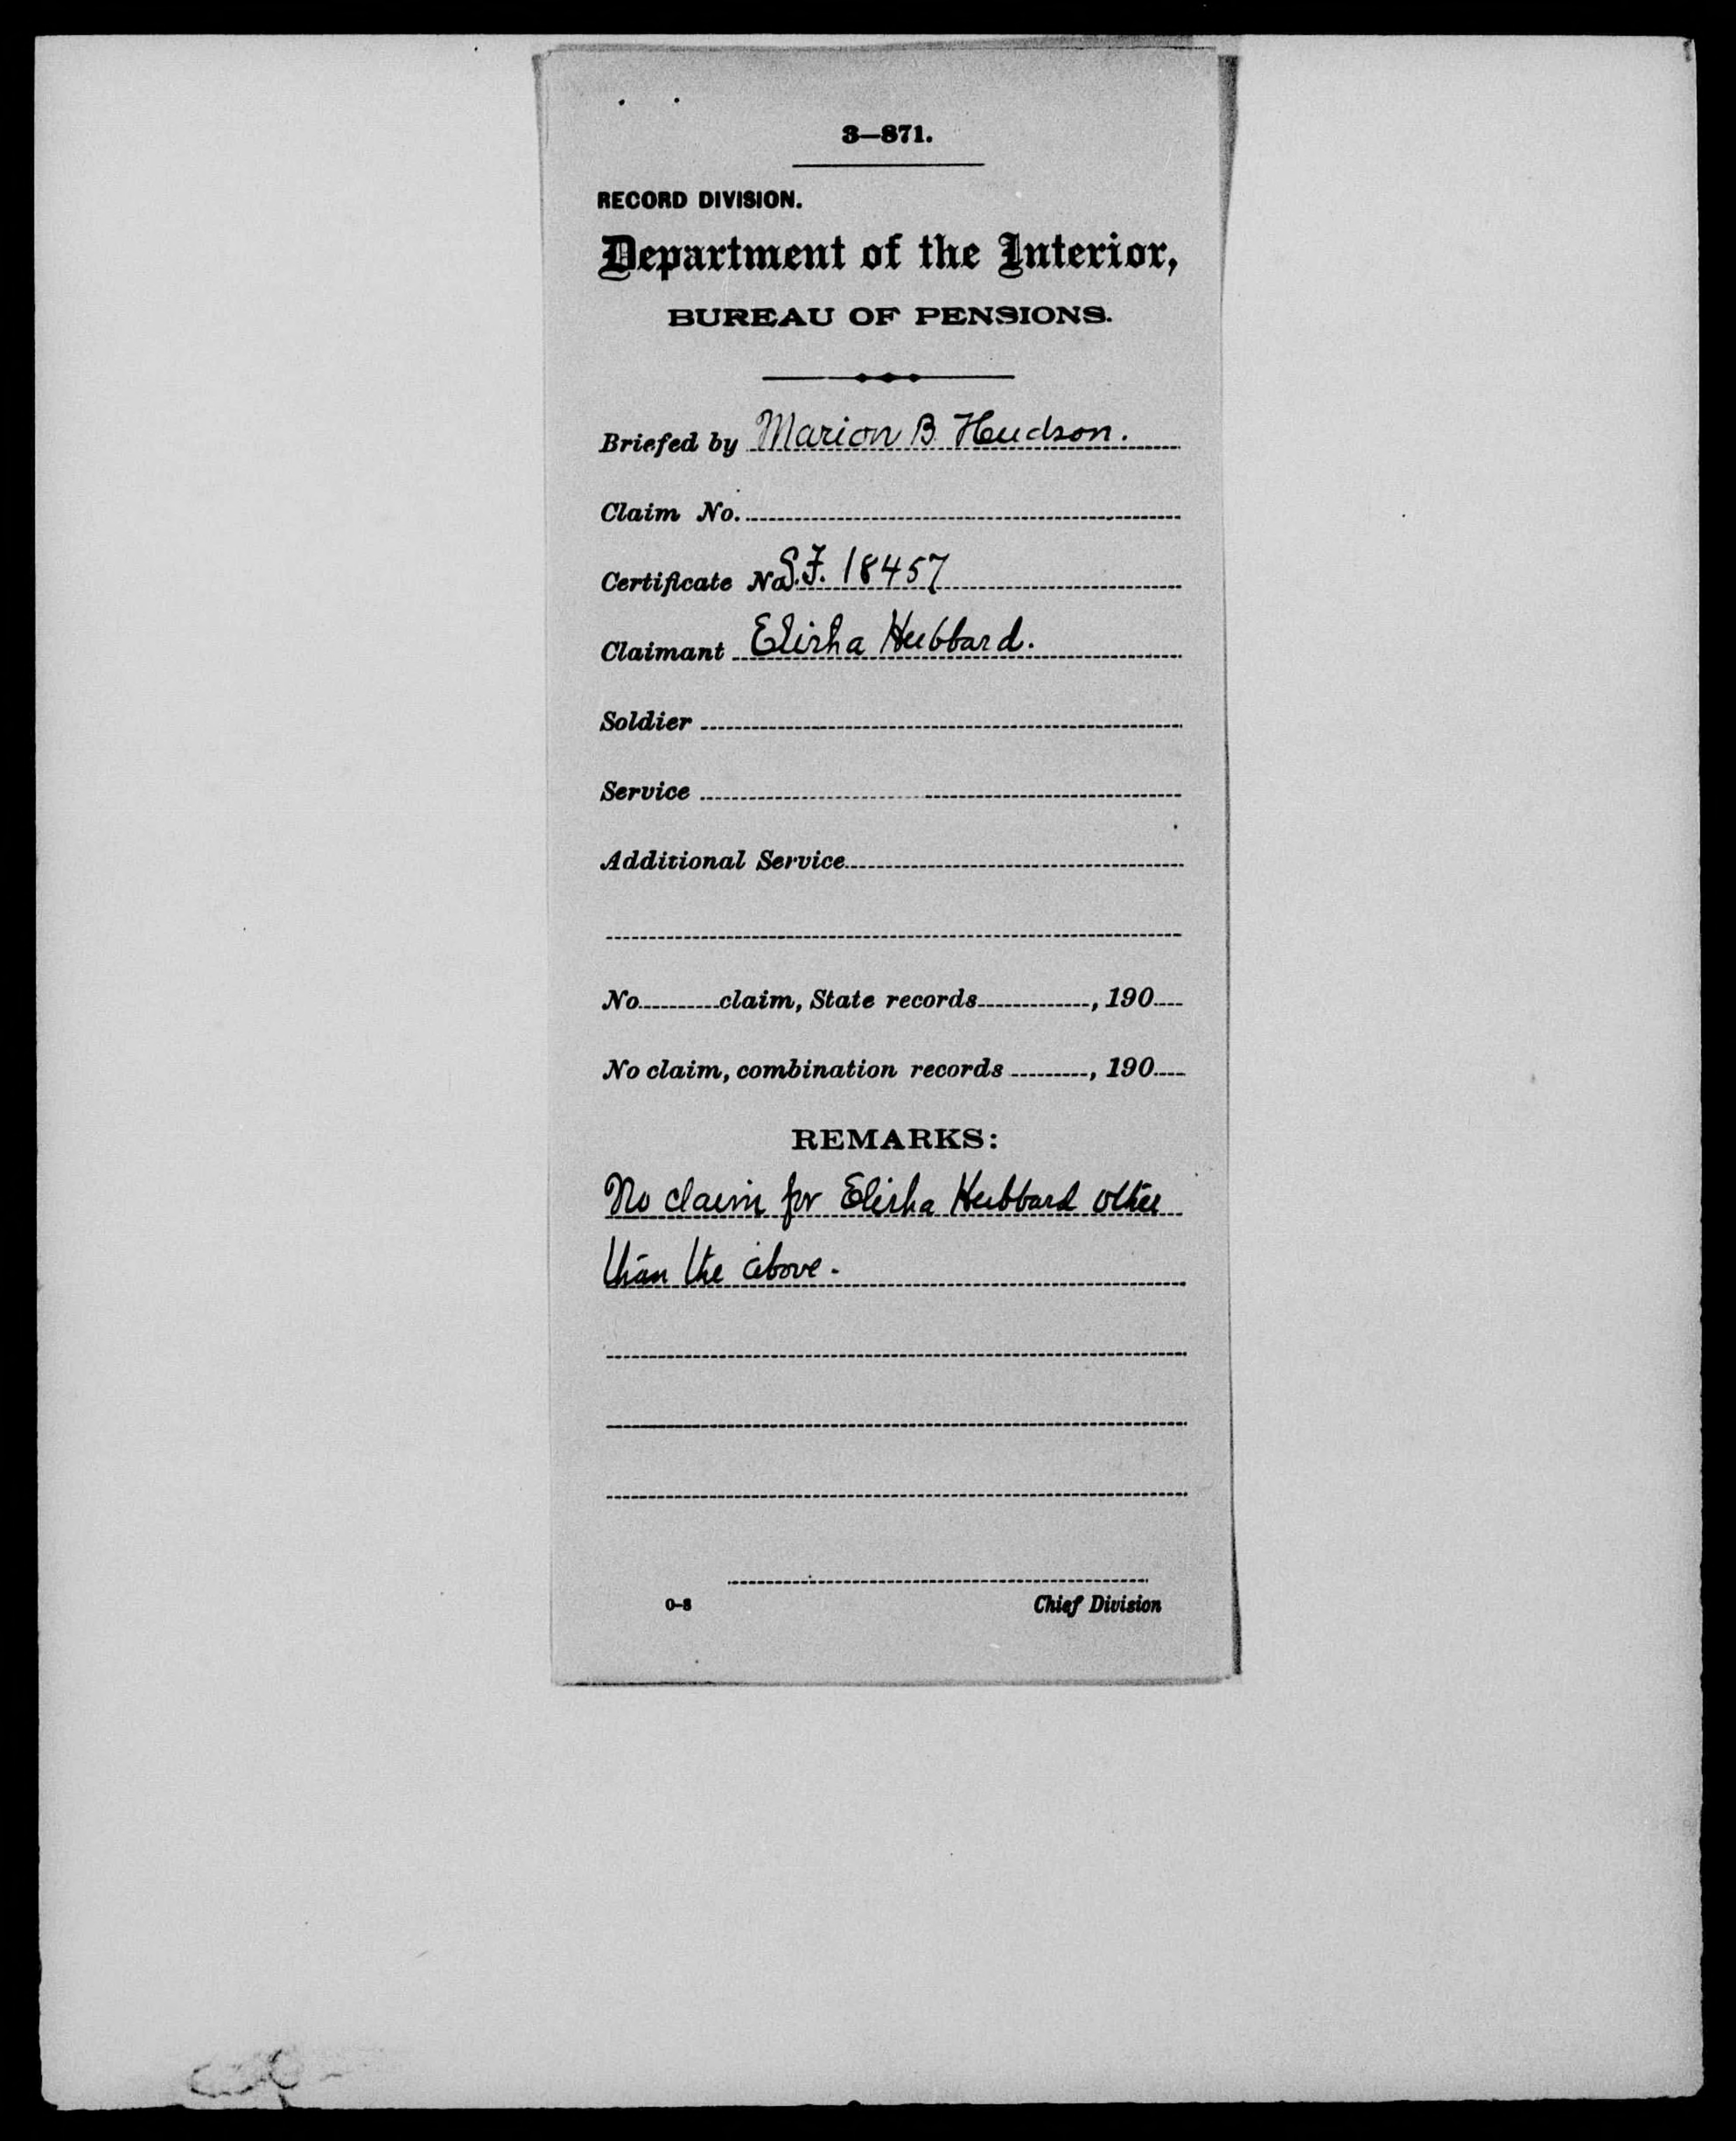3  - 371

Department of the Interior, 
BUREAU OF PENSIONS.


Briefed by   Marion B Hudson
Claim No. _______________________
Certificate No.__S. F.  18457____________
Claimant   Elisha Hubbard. 
Soldier _______________________

Service________________________________________
Additional Service____________________
____________________________________________
No                      claim, State records                                190
No claim, combination records                                         190

REMARKS;

No claim for Elisha Hubbard other than the above.


Chief Division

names: Elisha Hubbard, Marion B Hudson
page: 22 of 63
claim: survivor's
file: S. 18457, Elisha Hubbard, Conn. Continental